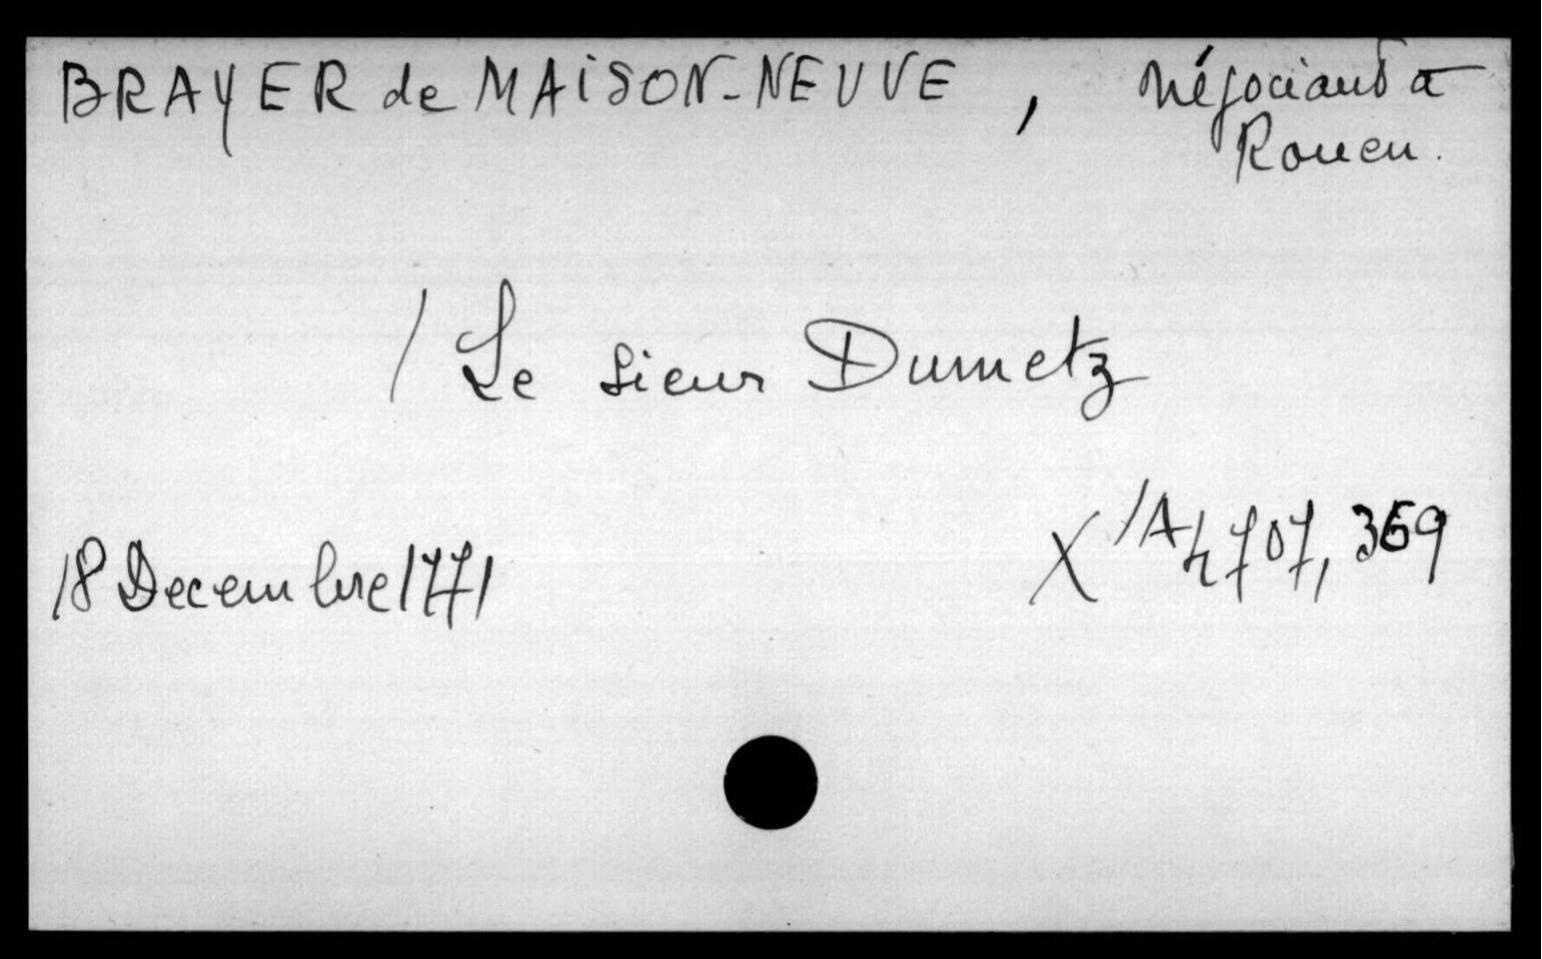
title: BRAYER de MAISON-NEUVE, négociant à Rouen.
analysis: Contre Le sieur Dumetz
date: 18 décembre 1771
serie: X1A
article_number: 4707
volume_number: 369
